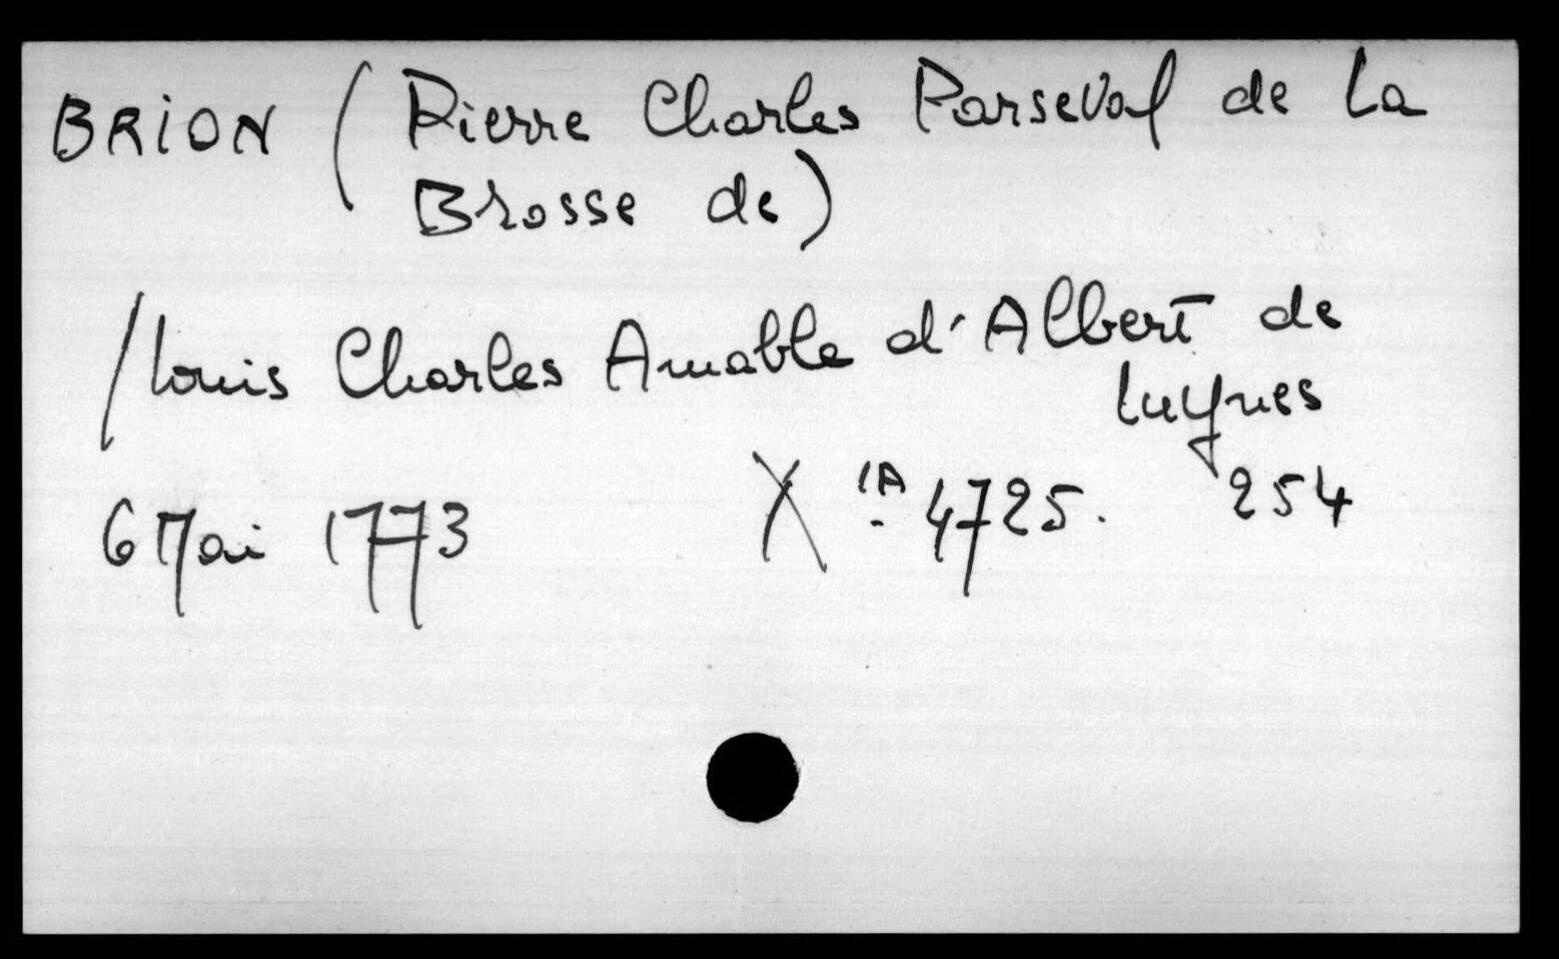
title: BRION (Pierre Charles Parseval de la Brosse de)
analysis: Contre Louis Charles Amable d'Albert de Luynes
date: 6 mai 1773
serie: X1A
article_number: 4725
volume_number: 254
